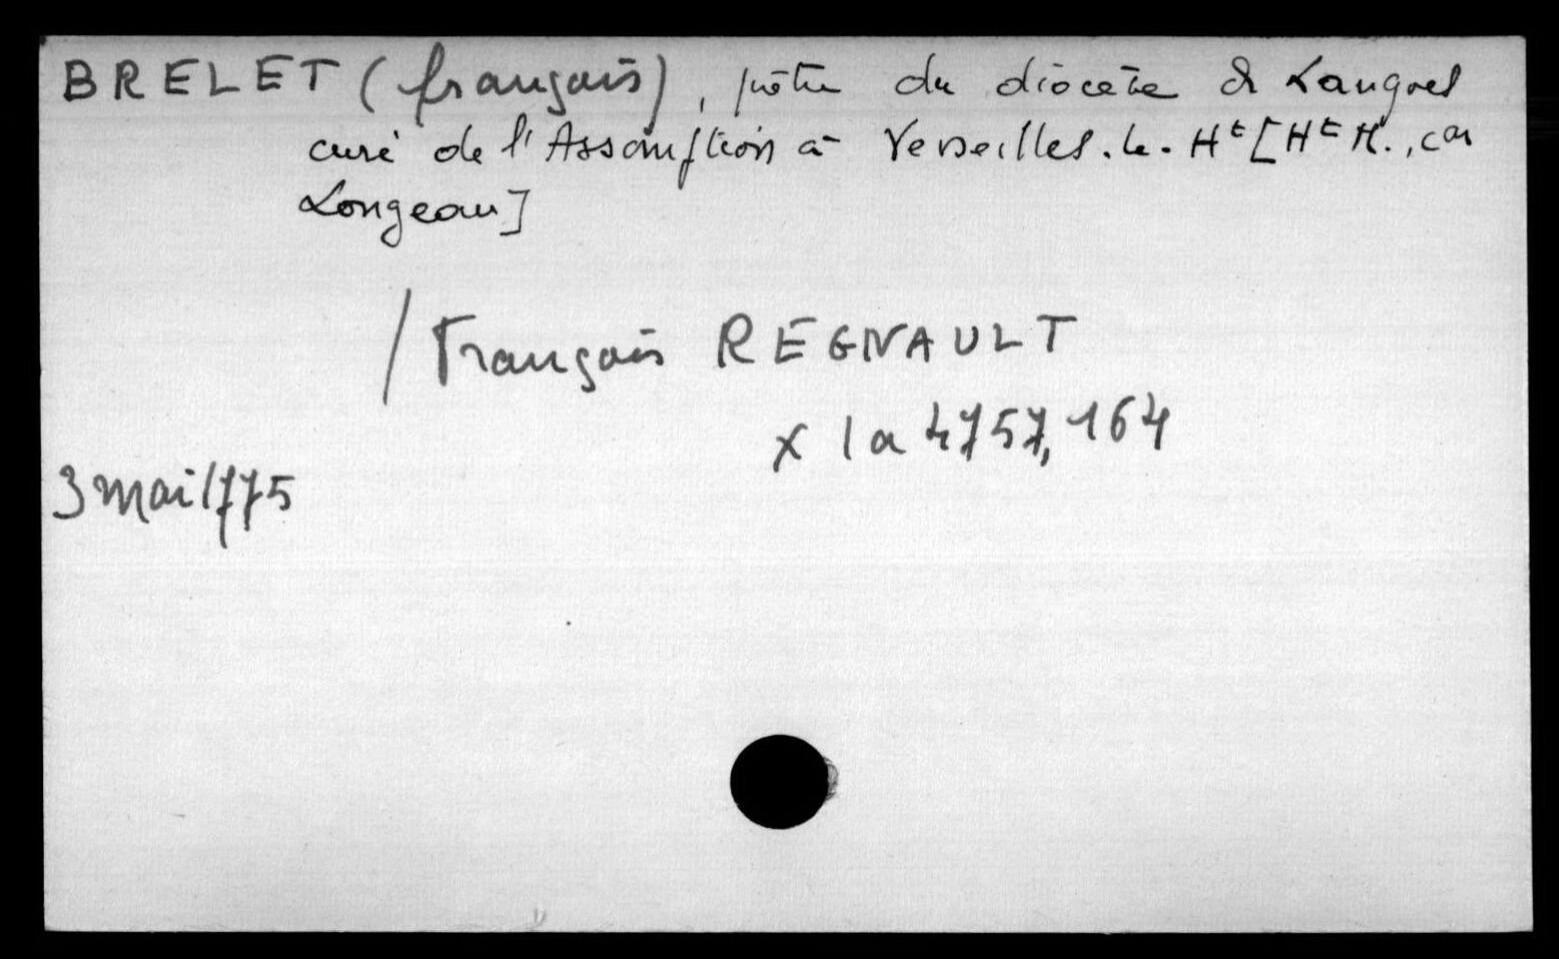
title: BRELET (François), prêtre du diocèse de Langres curé de l'Assomption à Verseilles-le-Haut [Haute-Marne, canton Longeau]
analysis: Contre François REGNAULT
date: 3 mai 1775
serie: X1a
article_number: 4757
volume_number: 164
